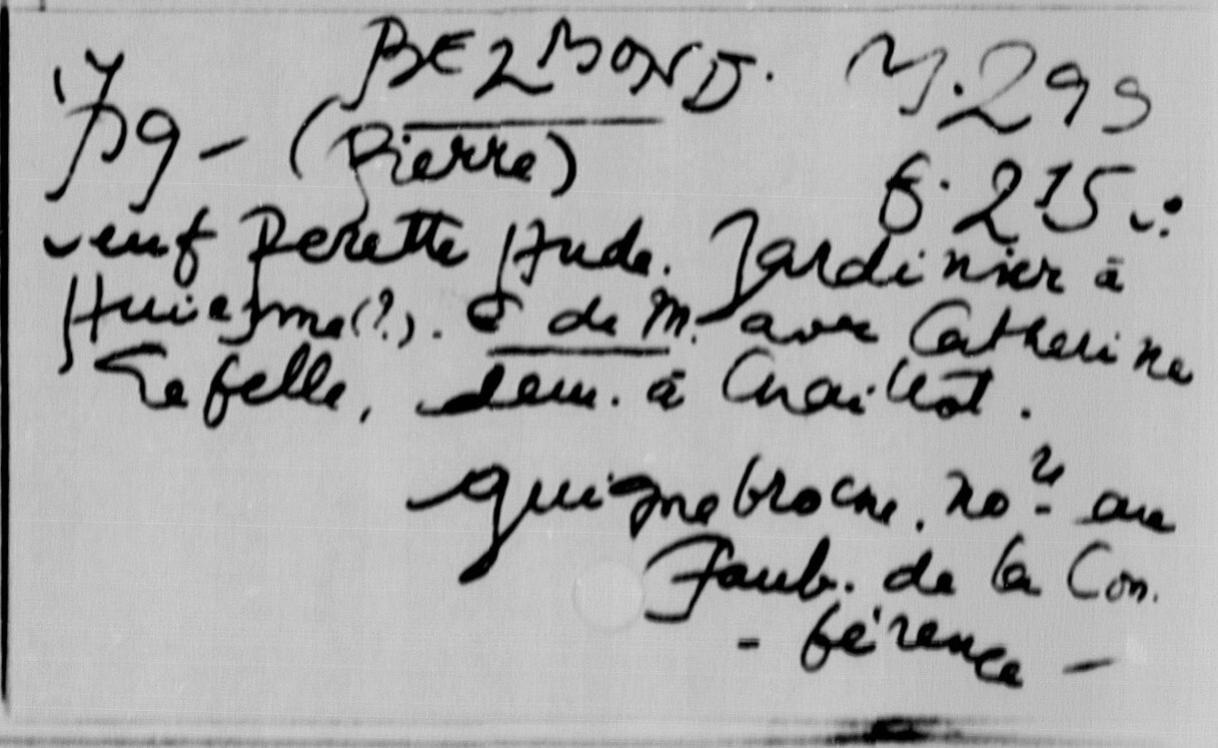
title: BELMOND (Pierre)
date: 1719
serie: Y
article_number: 299
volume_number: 215v
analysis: veuf Perette Hude, jardinier à Huiegme (?) Contrat de mariage avec Catherine Lefelle, demeurant à Chaillot. Guignebroche, notaire au Faubourg de la Confèrence.
